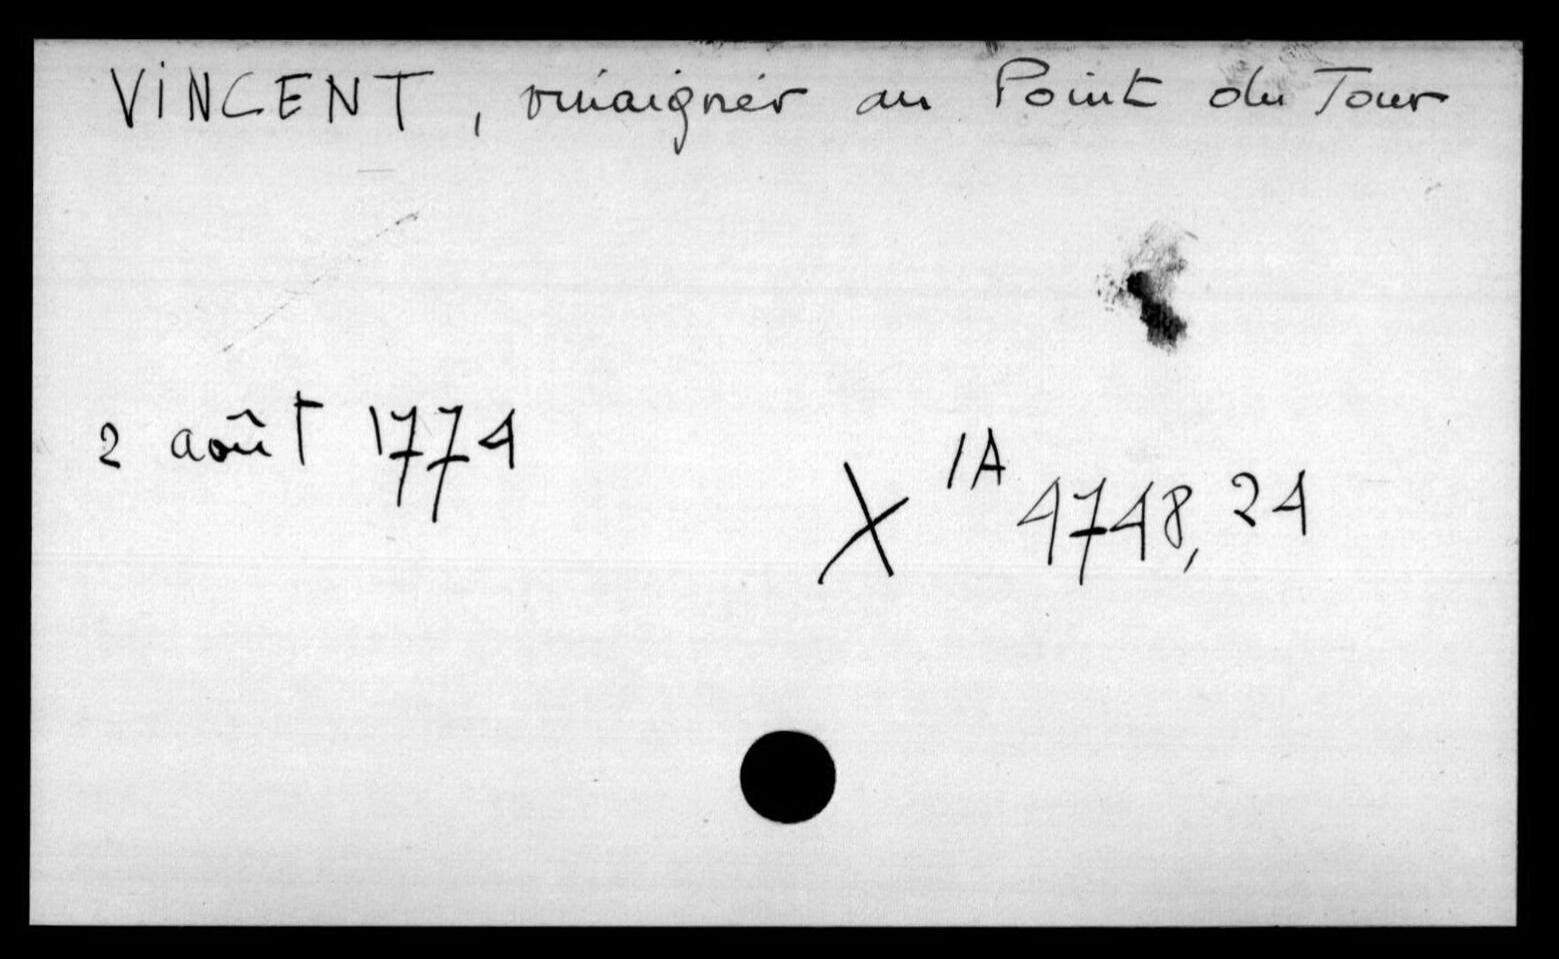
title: VINCENT, vinaigrier au Point du Jour
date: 2 août 1774
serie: X1A
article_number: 4748
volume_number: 24
